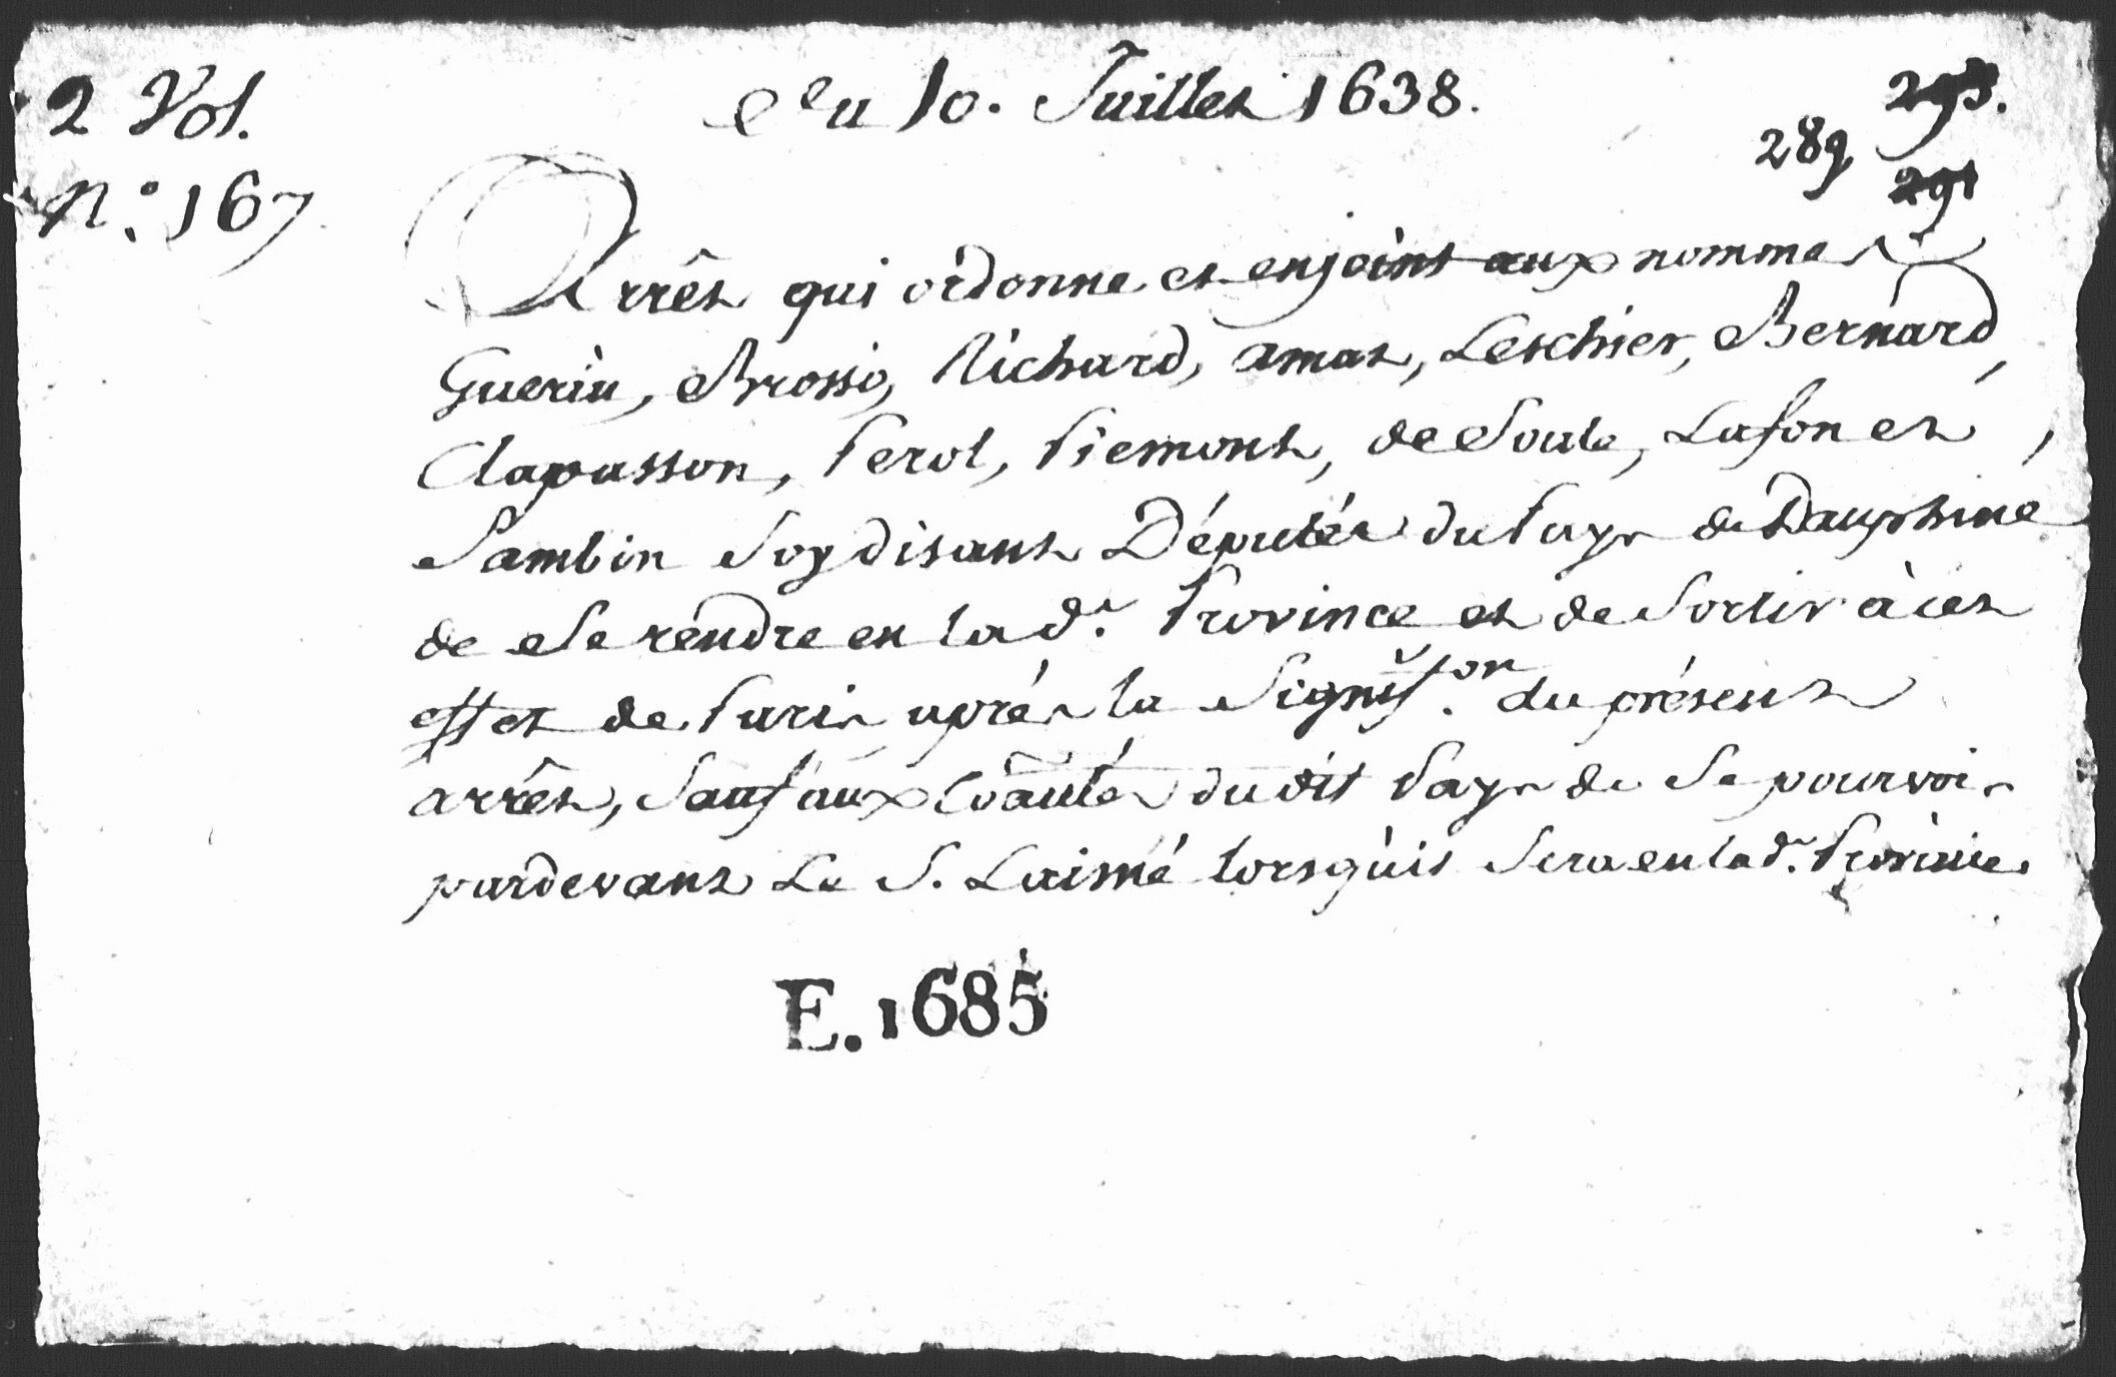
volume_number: n°167
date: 10 juillet 1638
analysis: [293. barré] 289 [291 barré]
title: Arrêt qui ordonne et enjoint aux nommés Guerin, Brossi, Richard, Amat, Leschier, Bernard, Clapasson, Perol, Piemont, de Soule, Lafonet Sambin soy disant Députés du Pays de Dauphiné de se rendre en lad.e Province et de sortir à cet effet de Paris après la signif.on du présent arrêt, sauf aux coautés dudit Pays de se pourvoir par devant le S. Laisné lorsqu'il sera en lad.e Province.
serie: E
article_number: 1685
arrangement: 2 vol.
